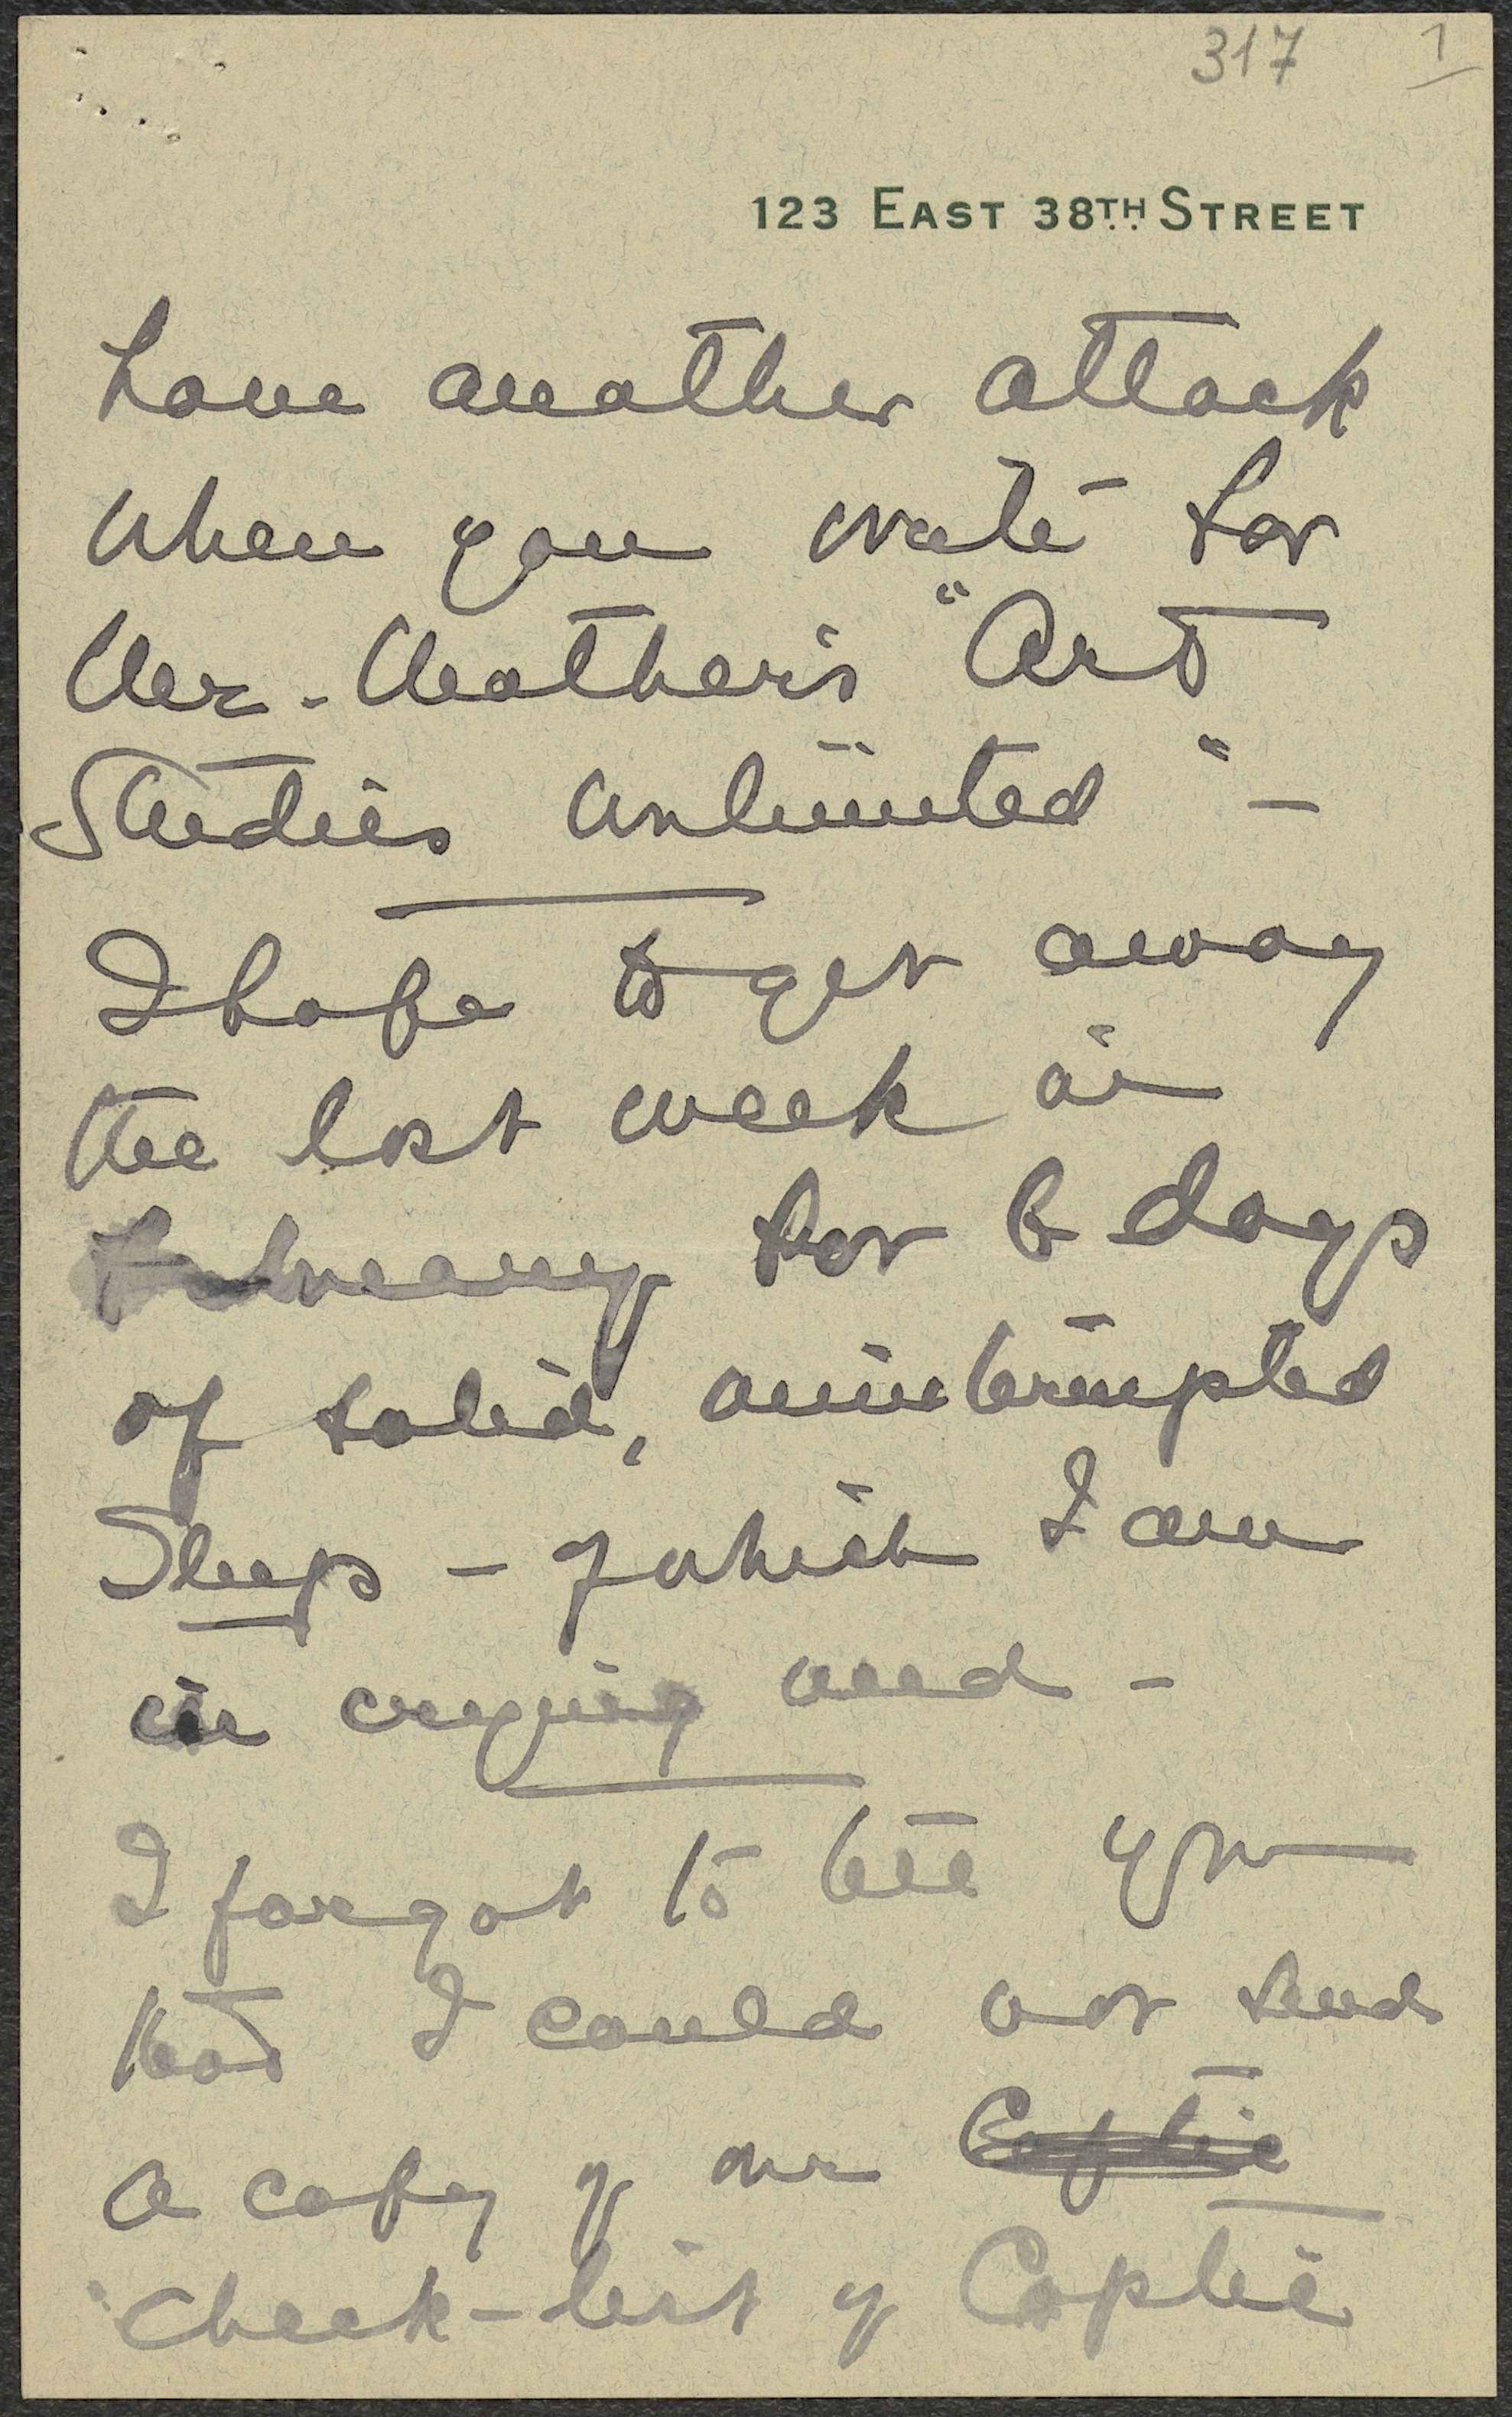have another attack when you write for Mr. Mather’s “Art Studies Unlimited” –
I hope to get away the last week in February for 6 days of solid, uninterrupted sleep – of which I am in crying need –
I forgot to tell you that I could not send a copy of out Coptic check-list of Coptic